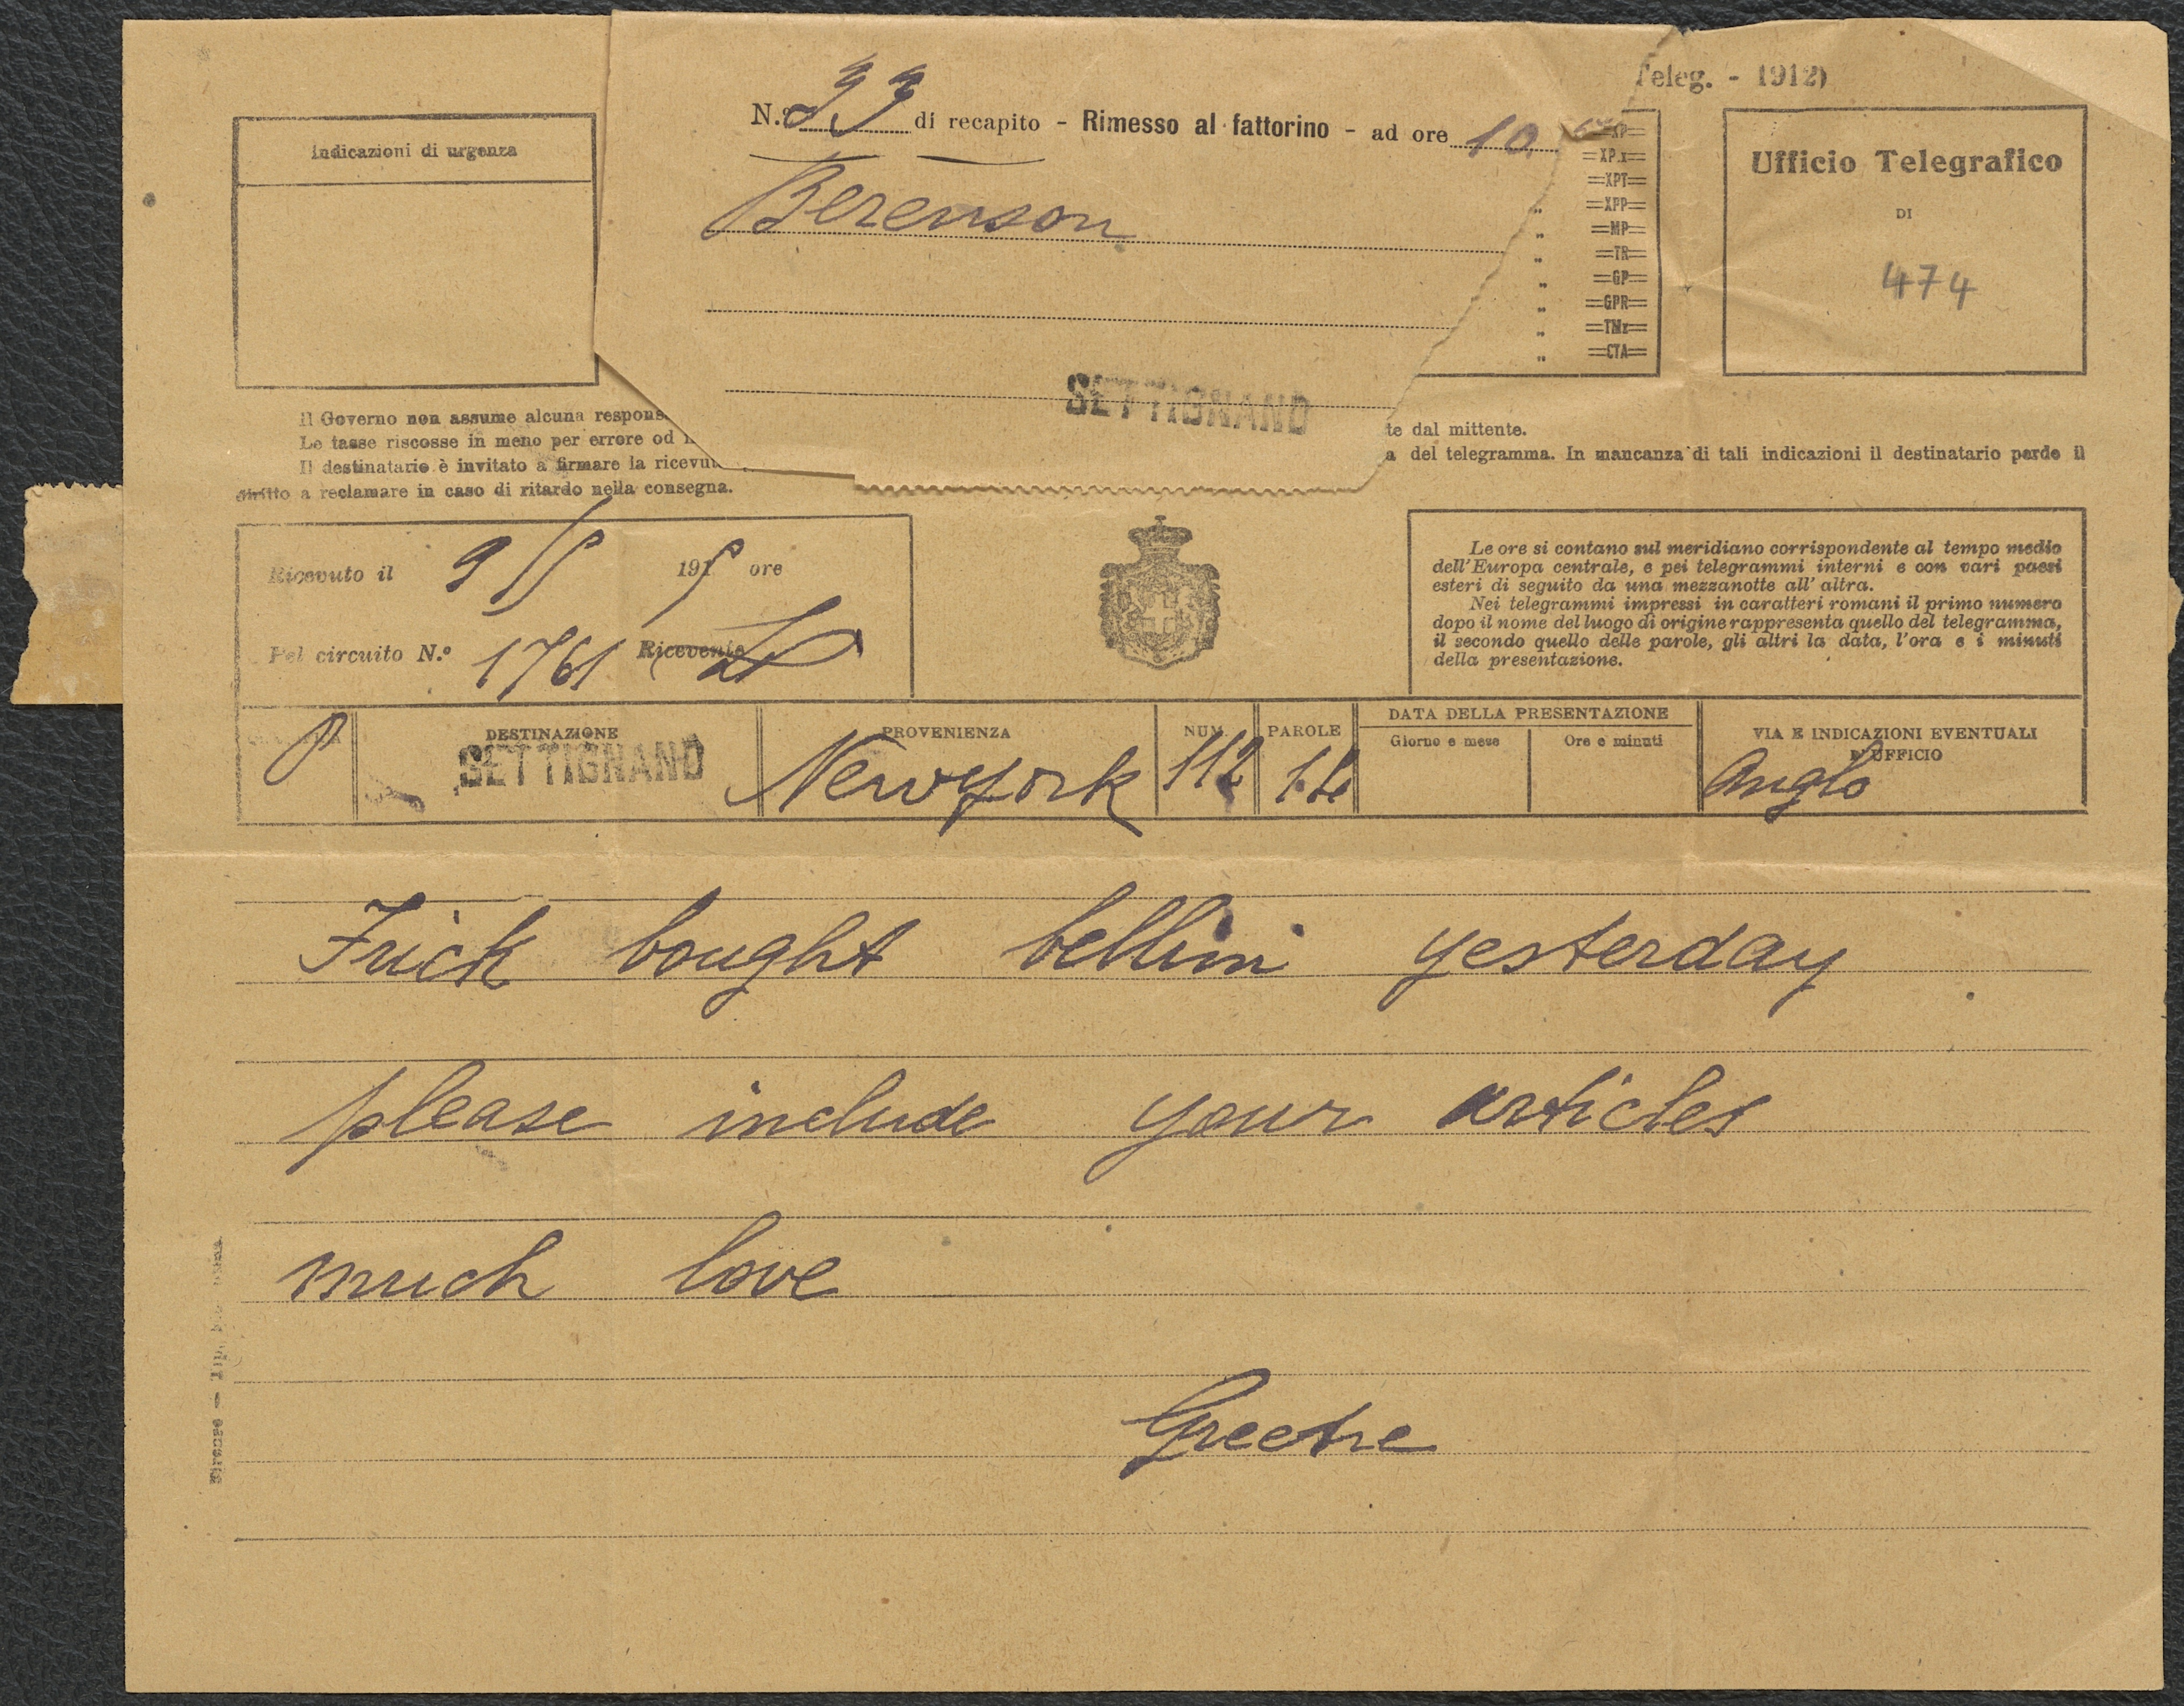Frick bought bellini yesterday
please include your articles
much love
Greene